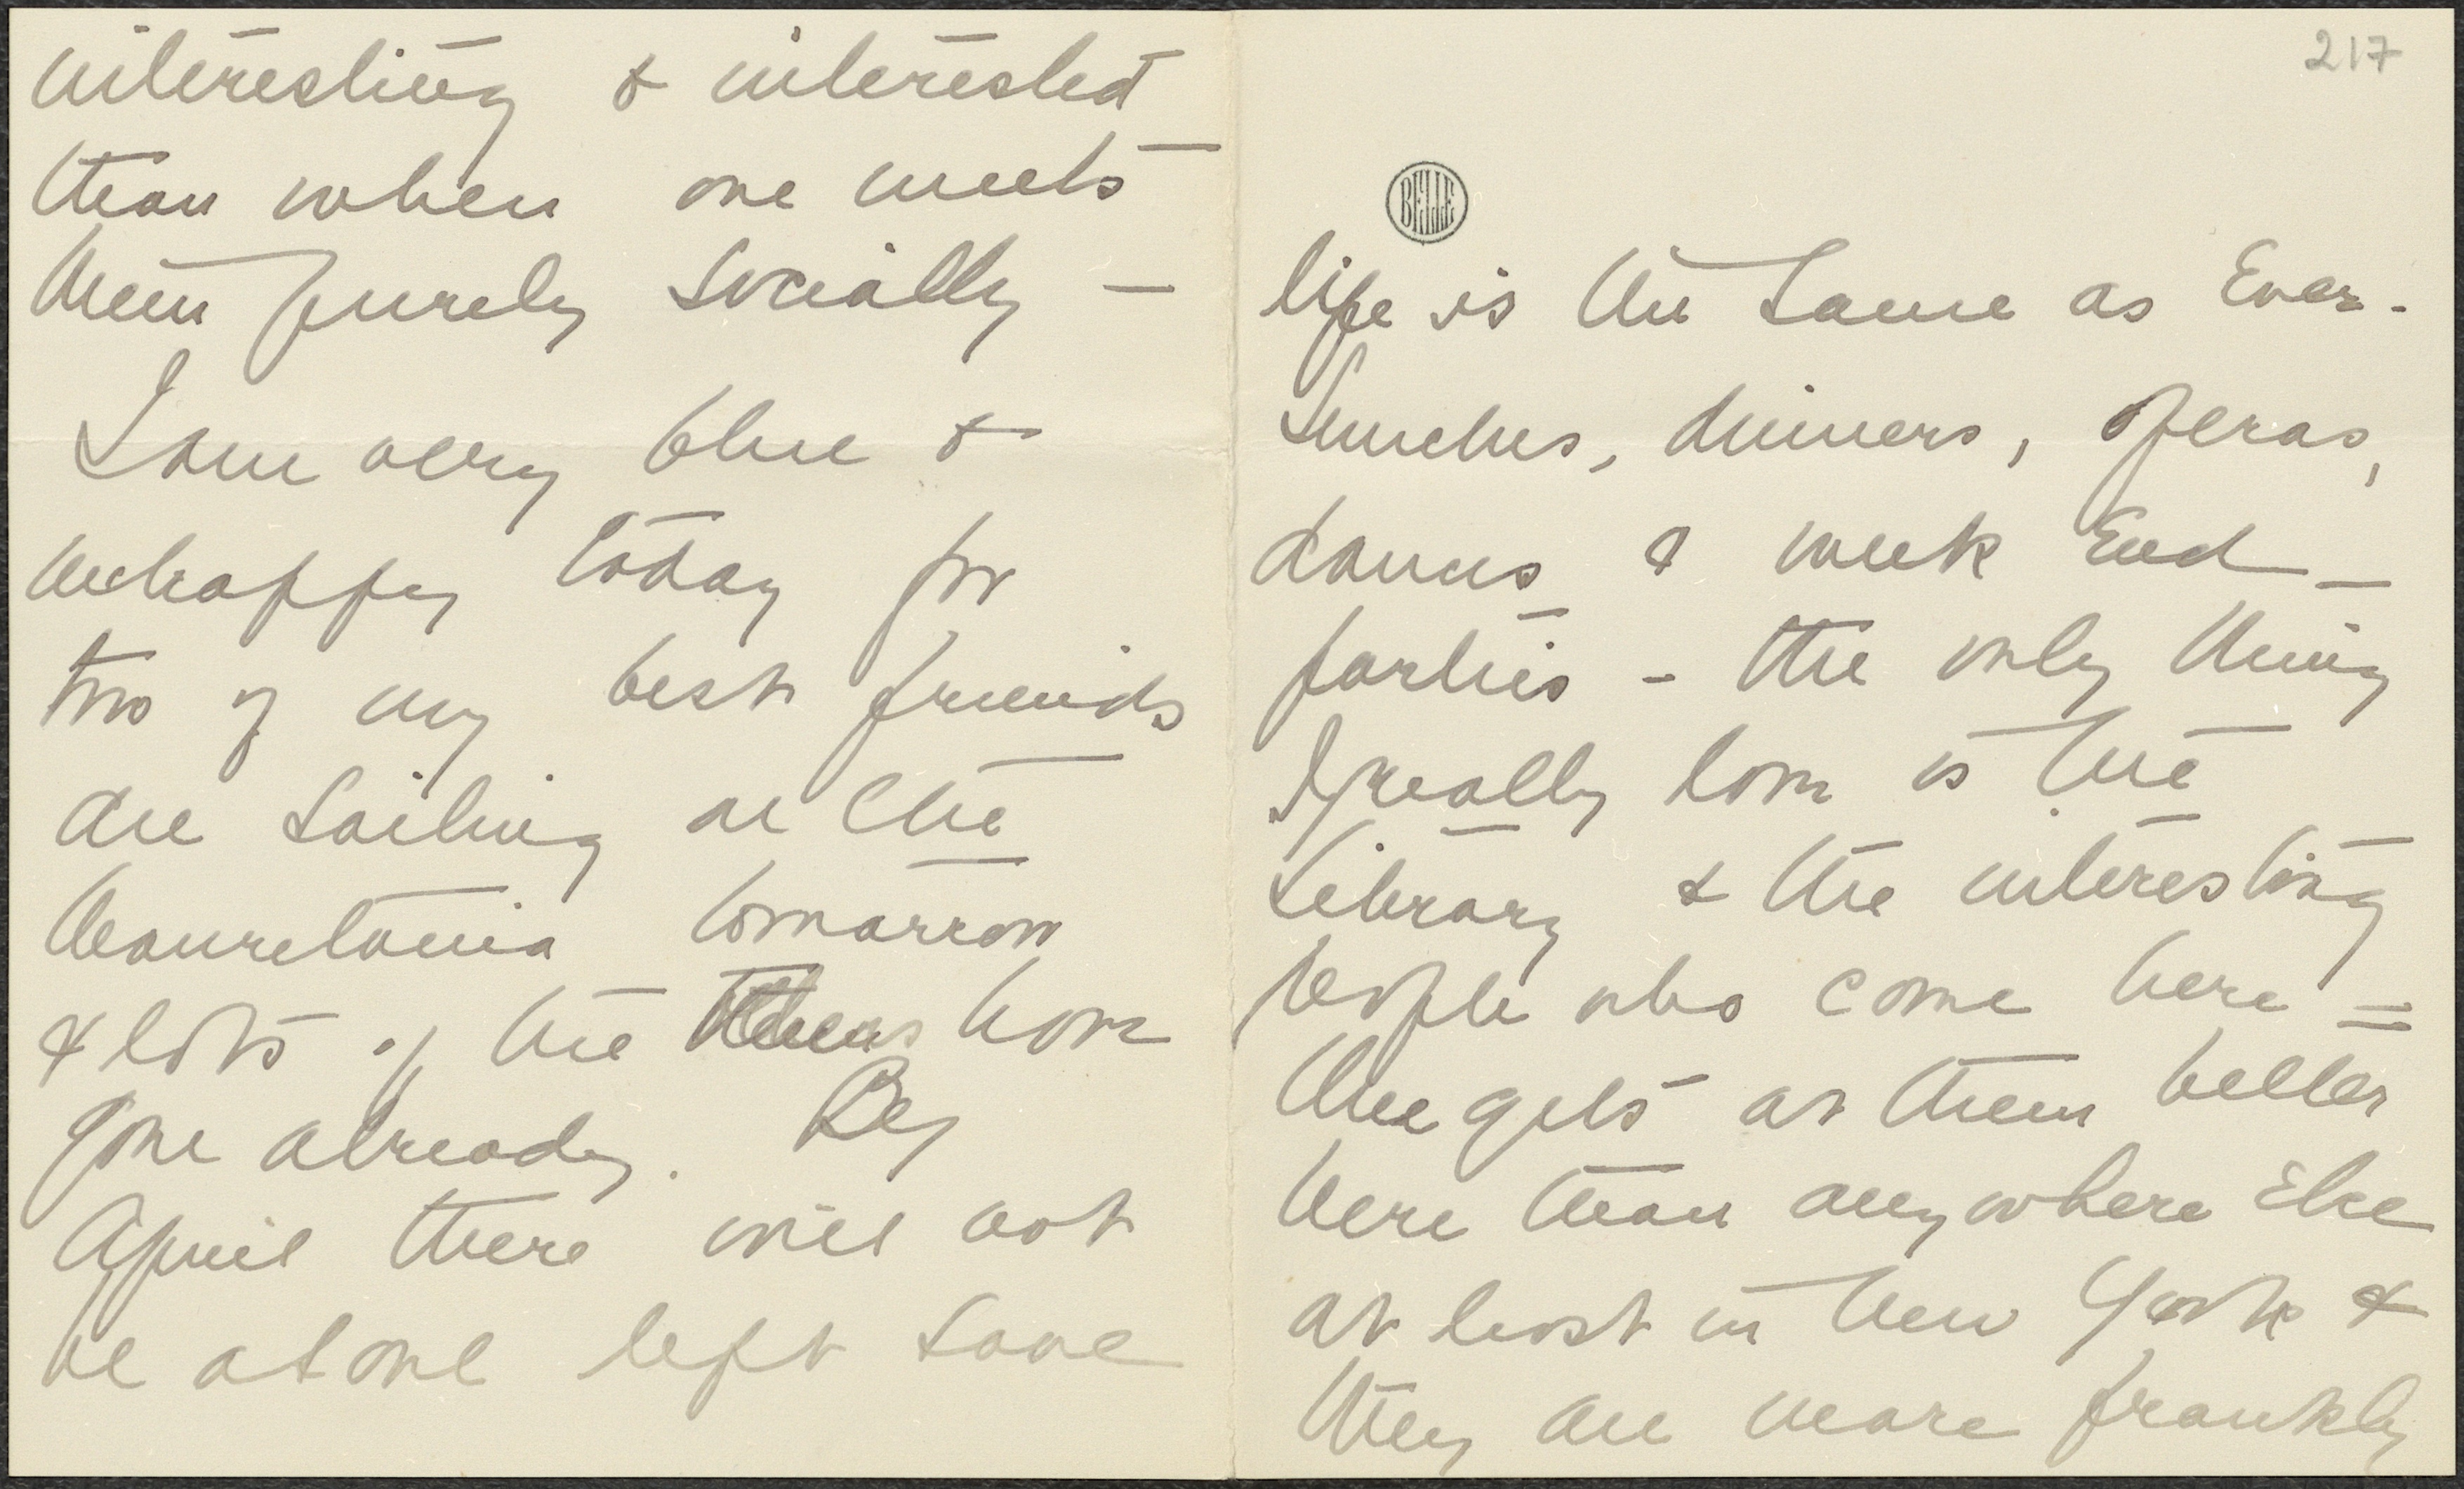life is the same as ever – Lunches, dinners, operas, dances & week end parties – the only thing I really love is the Library & the interesting people who come here – One gets at them better here than any where else at least in New York & they are more frankly
interesting & interested than when one meets them purely socially –
I am very blue & unhappy today for two of my best friends are sailing on the Mauretania tomorrow & lots of the them others have gone already. By April there will not be a soul left save